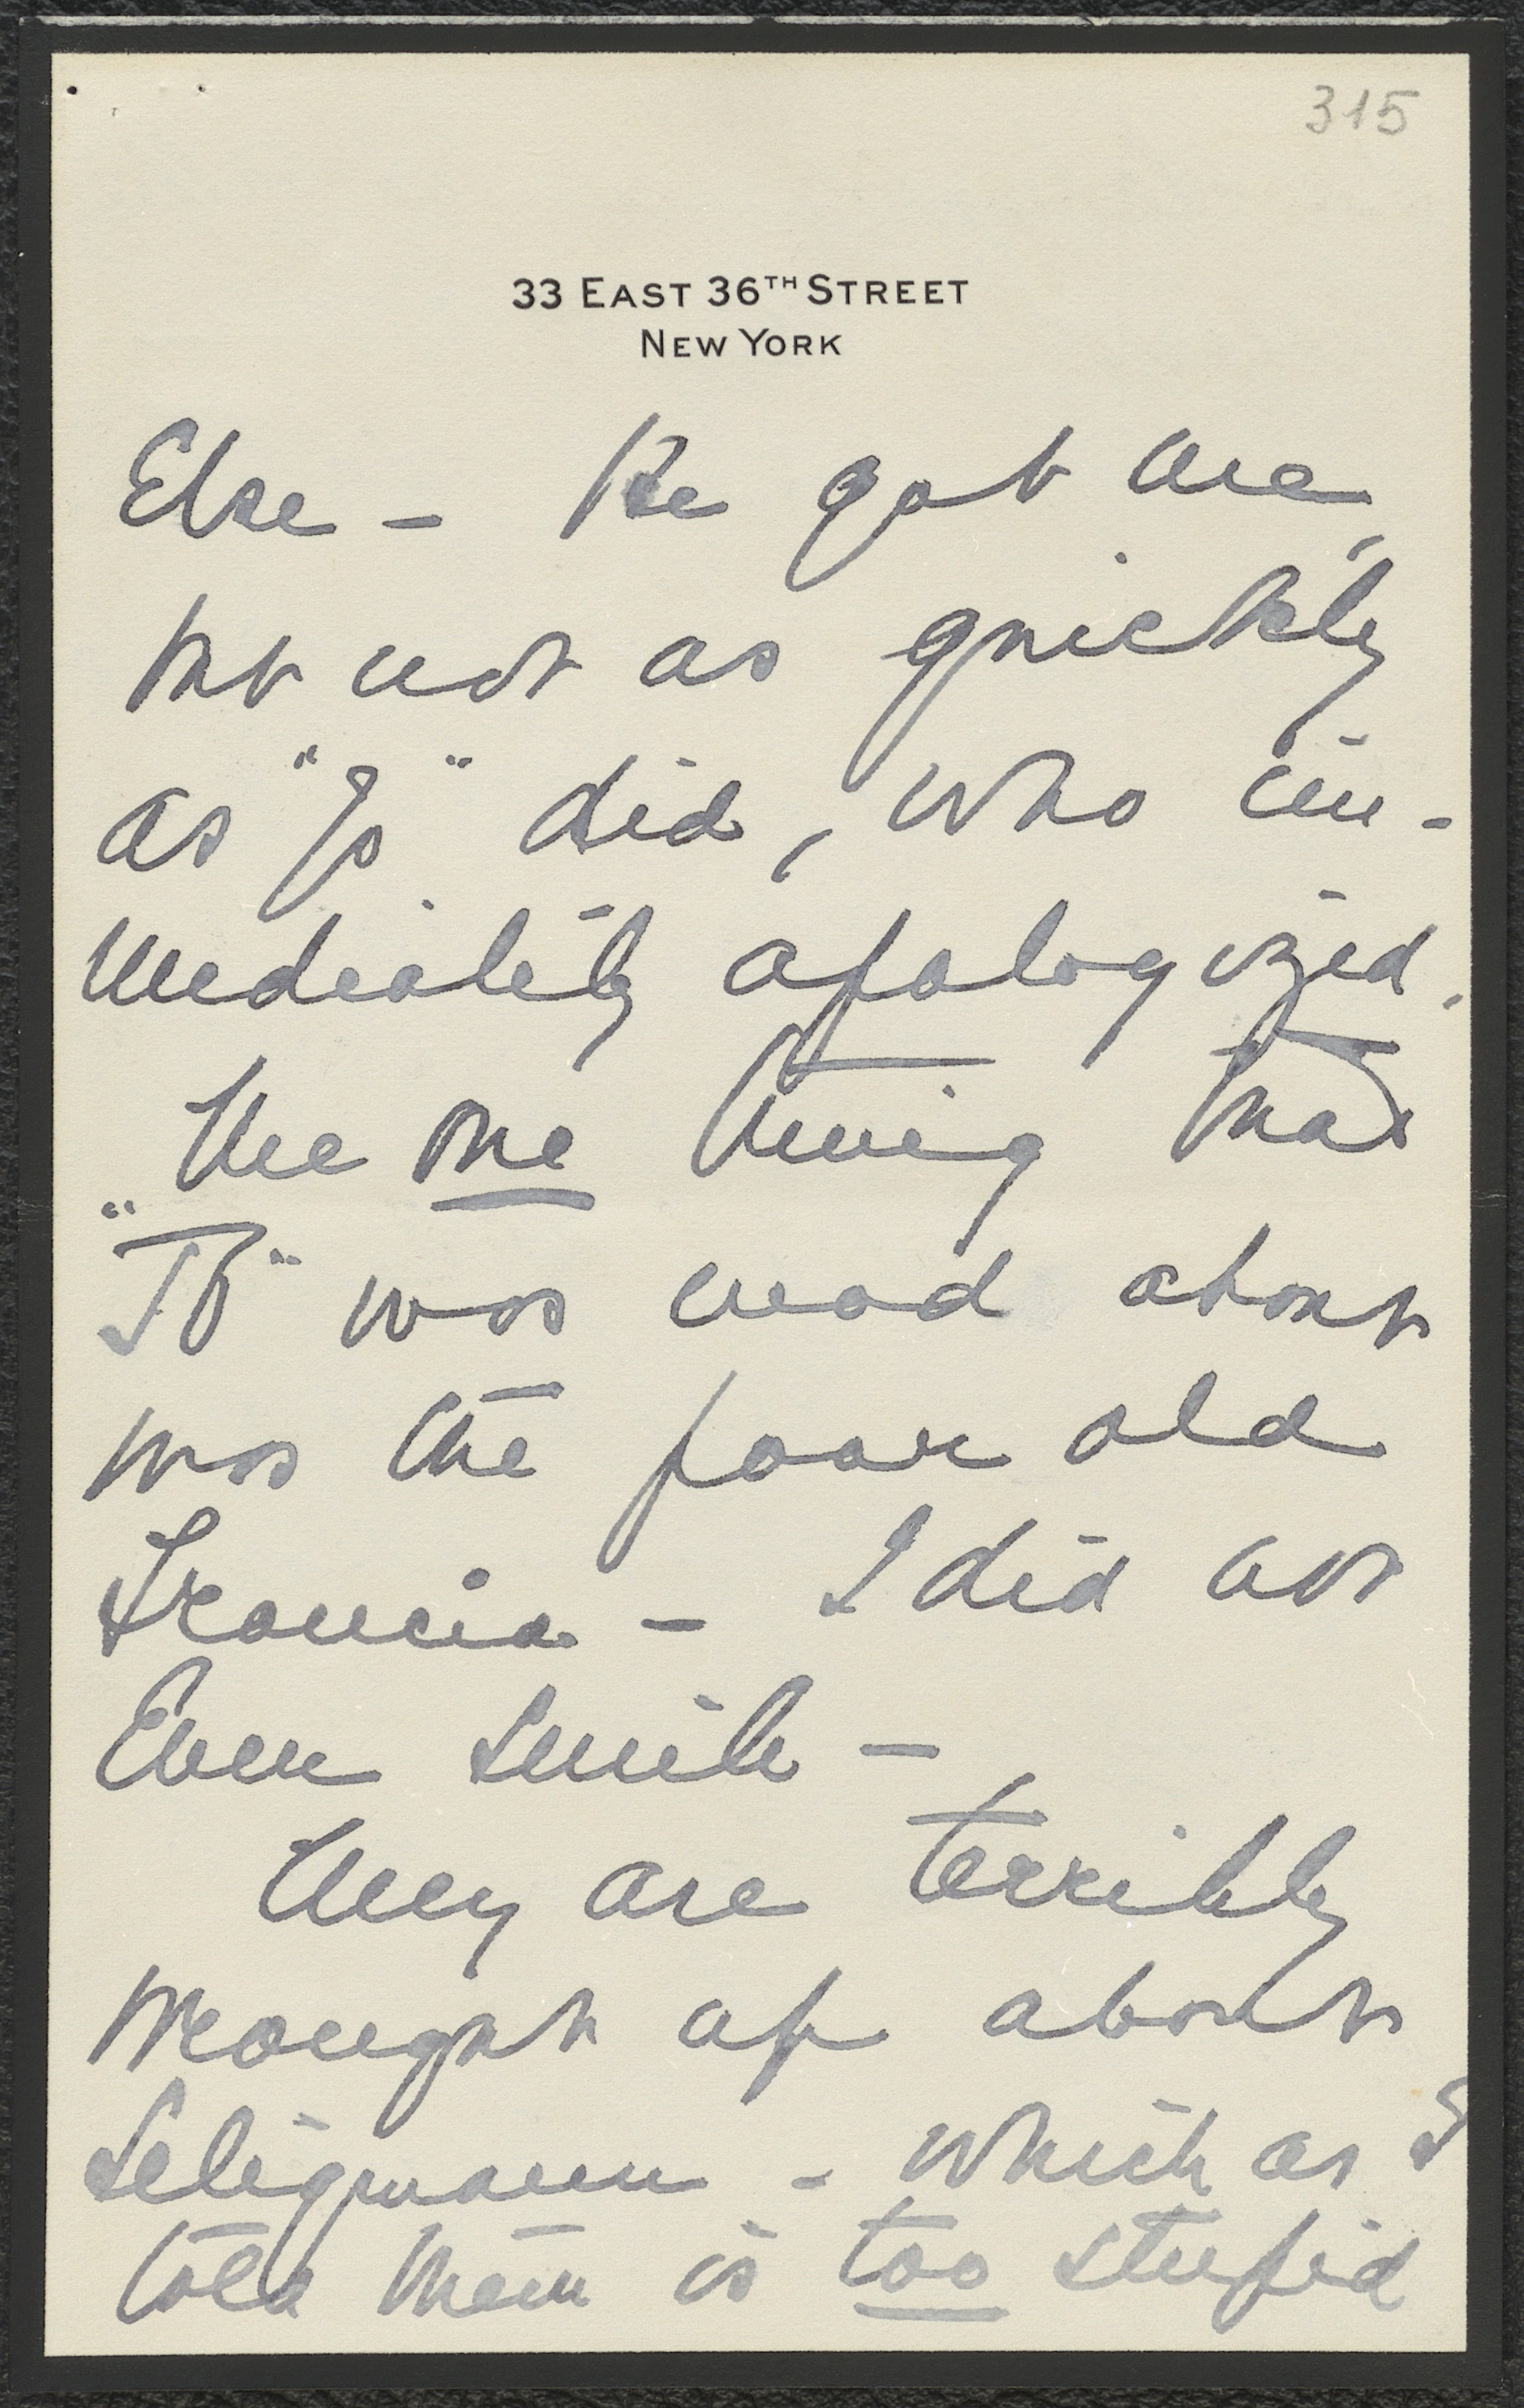else – He got me but not as quickly as “Jo” did, who immediately apologized.
The one thing that “Jo” was mad about was the poor old Francia – I did not even smile –
They are terribly wrought up about Seligmann – which as I told them is too stupid